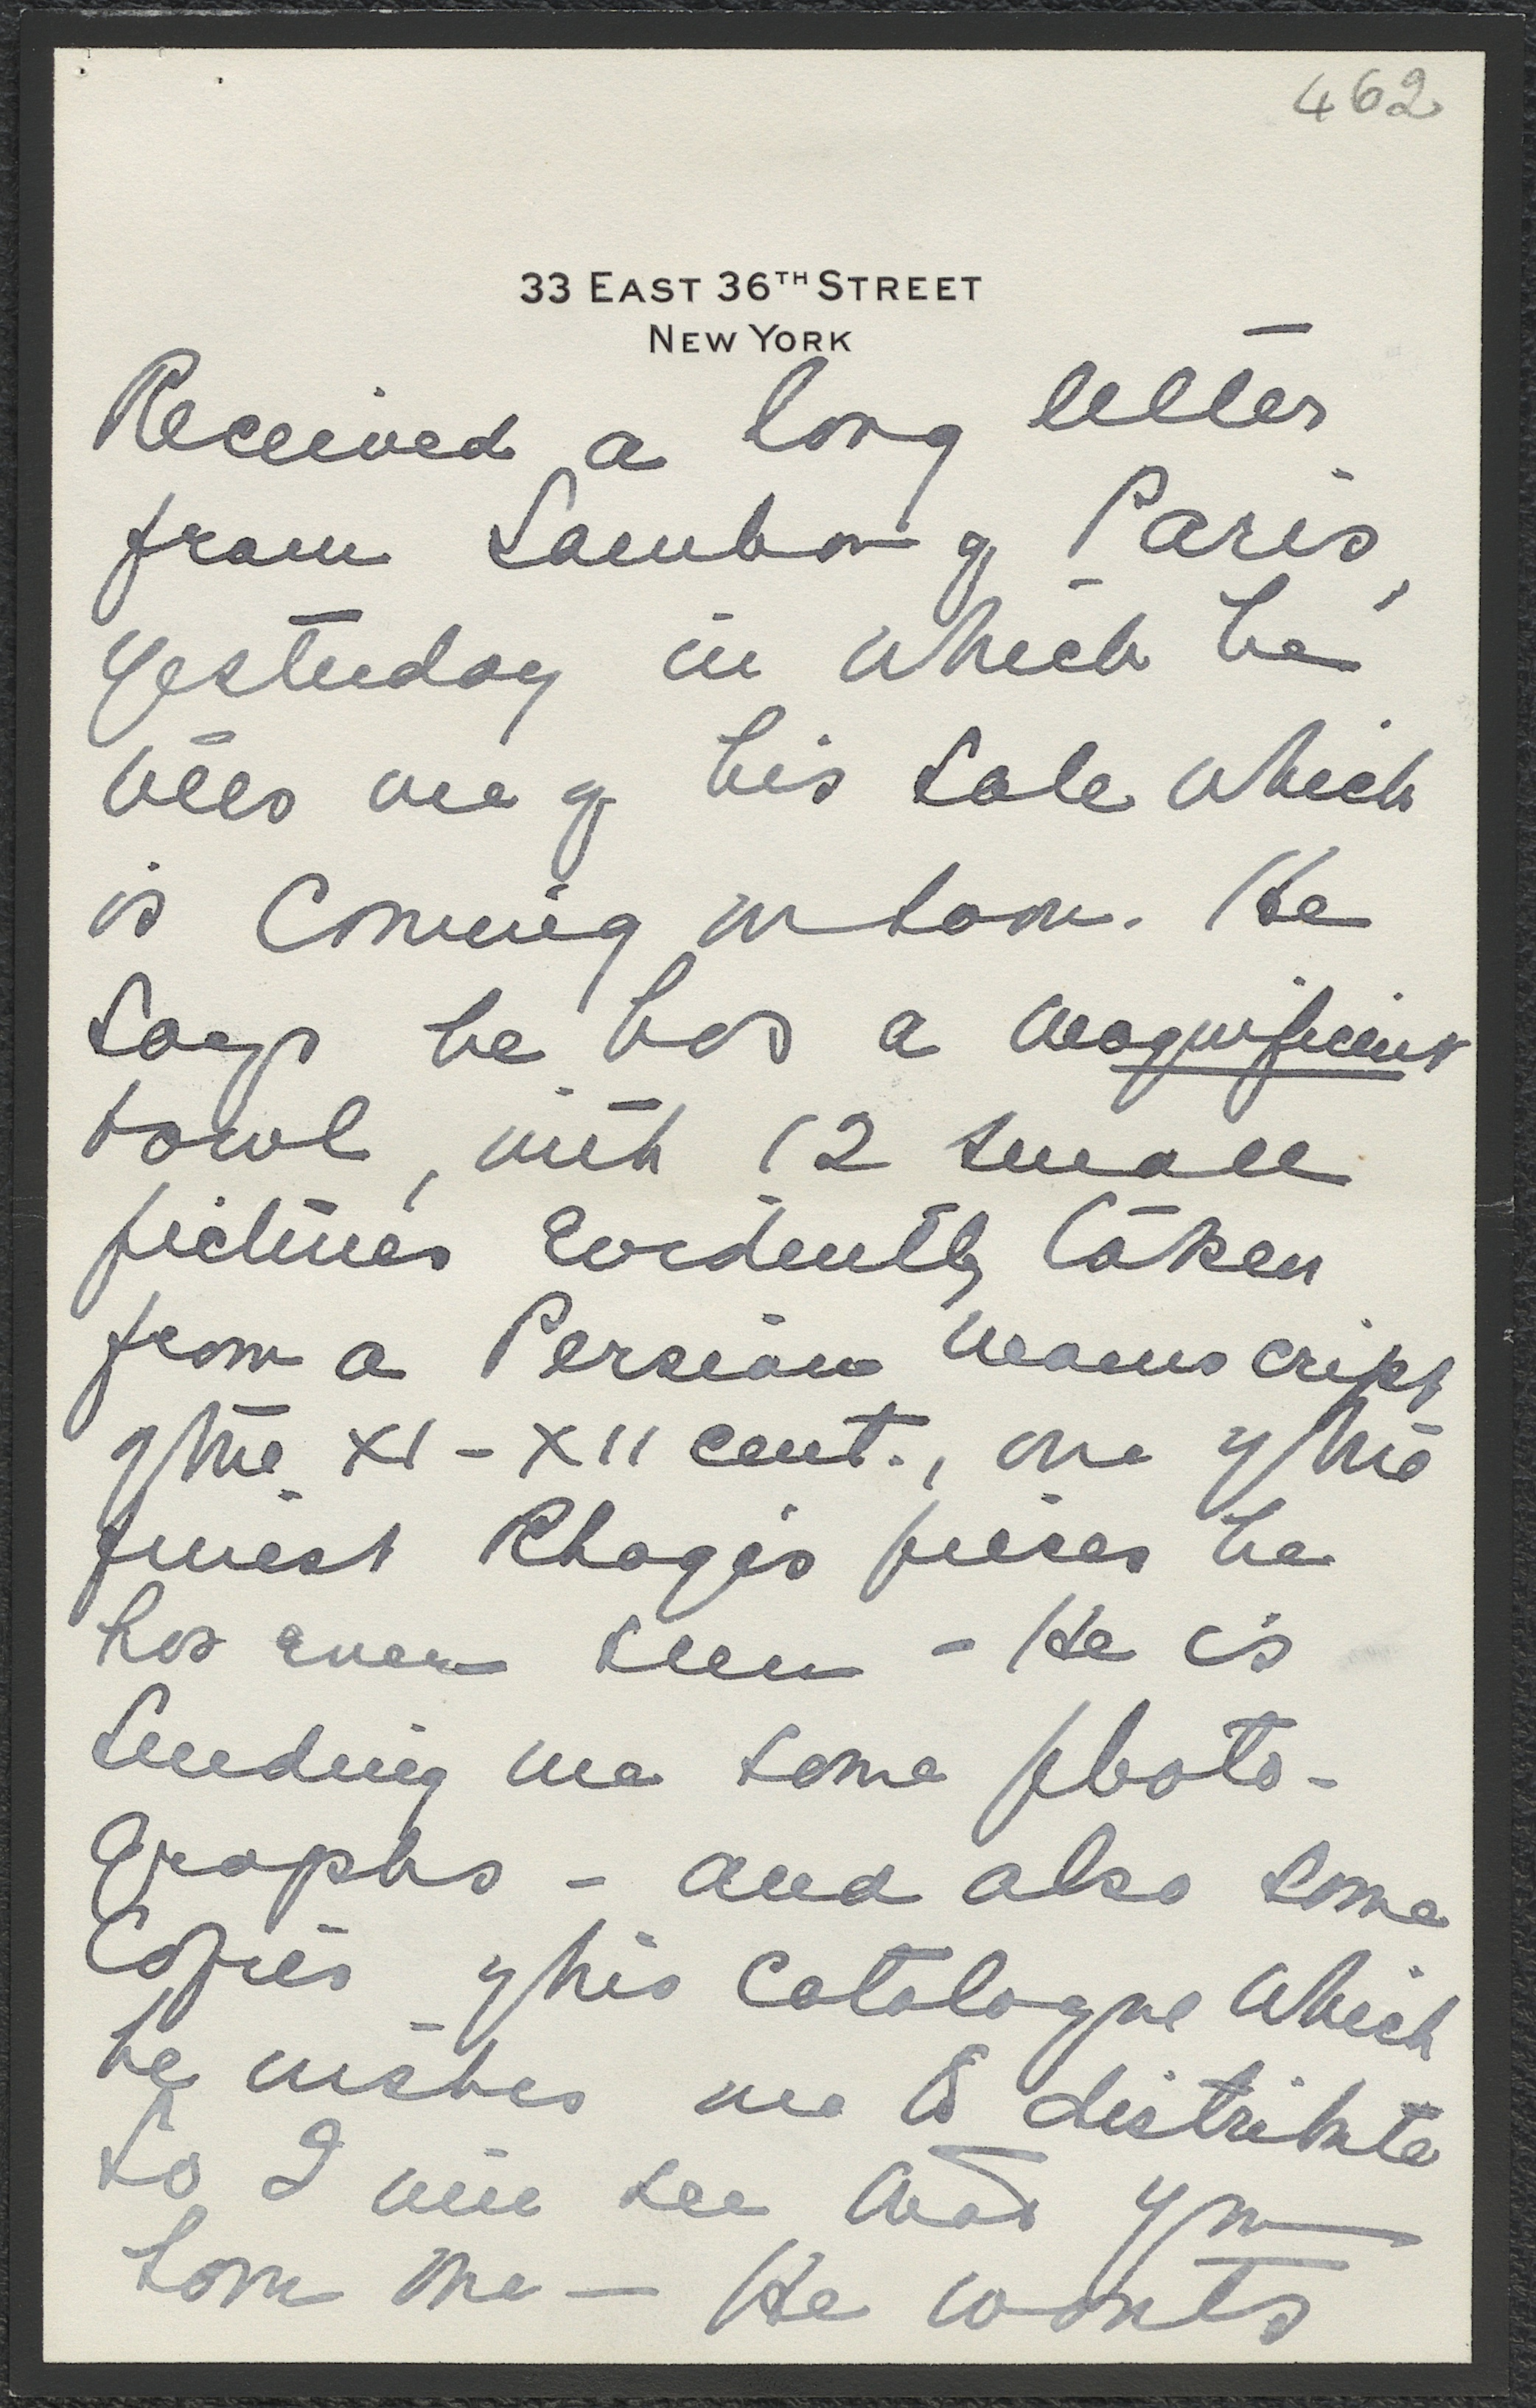Received a long letter from Sambon of Paris, yesterday in which he tells me of his sale which is coming on soon. He says he has a magnificent bowl, with 12 small pictures evidently taken from a Persian manuscript of the XI-XII cent., one of the finest Rhage’s pieces he has ever seen – He is sending me some photographs – and also some copies of his catalogue which he wishes me to distribute
So I will see that you have one – He wants